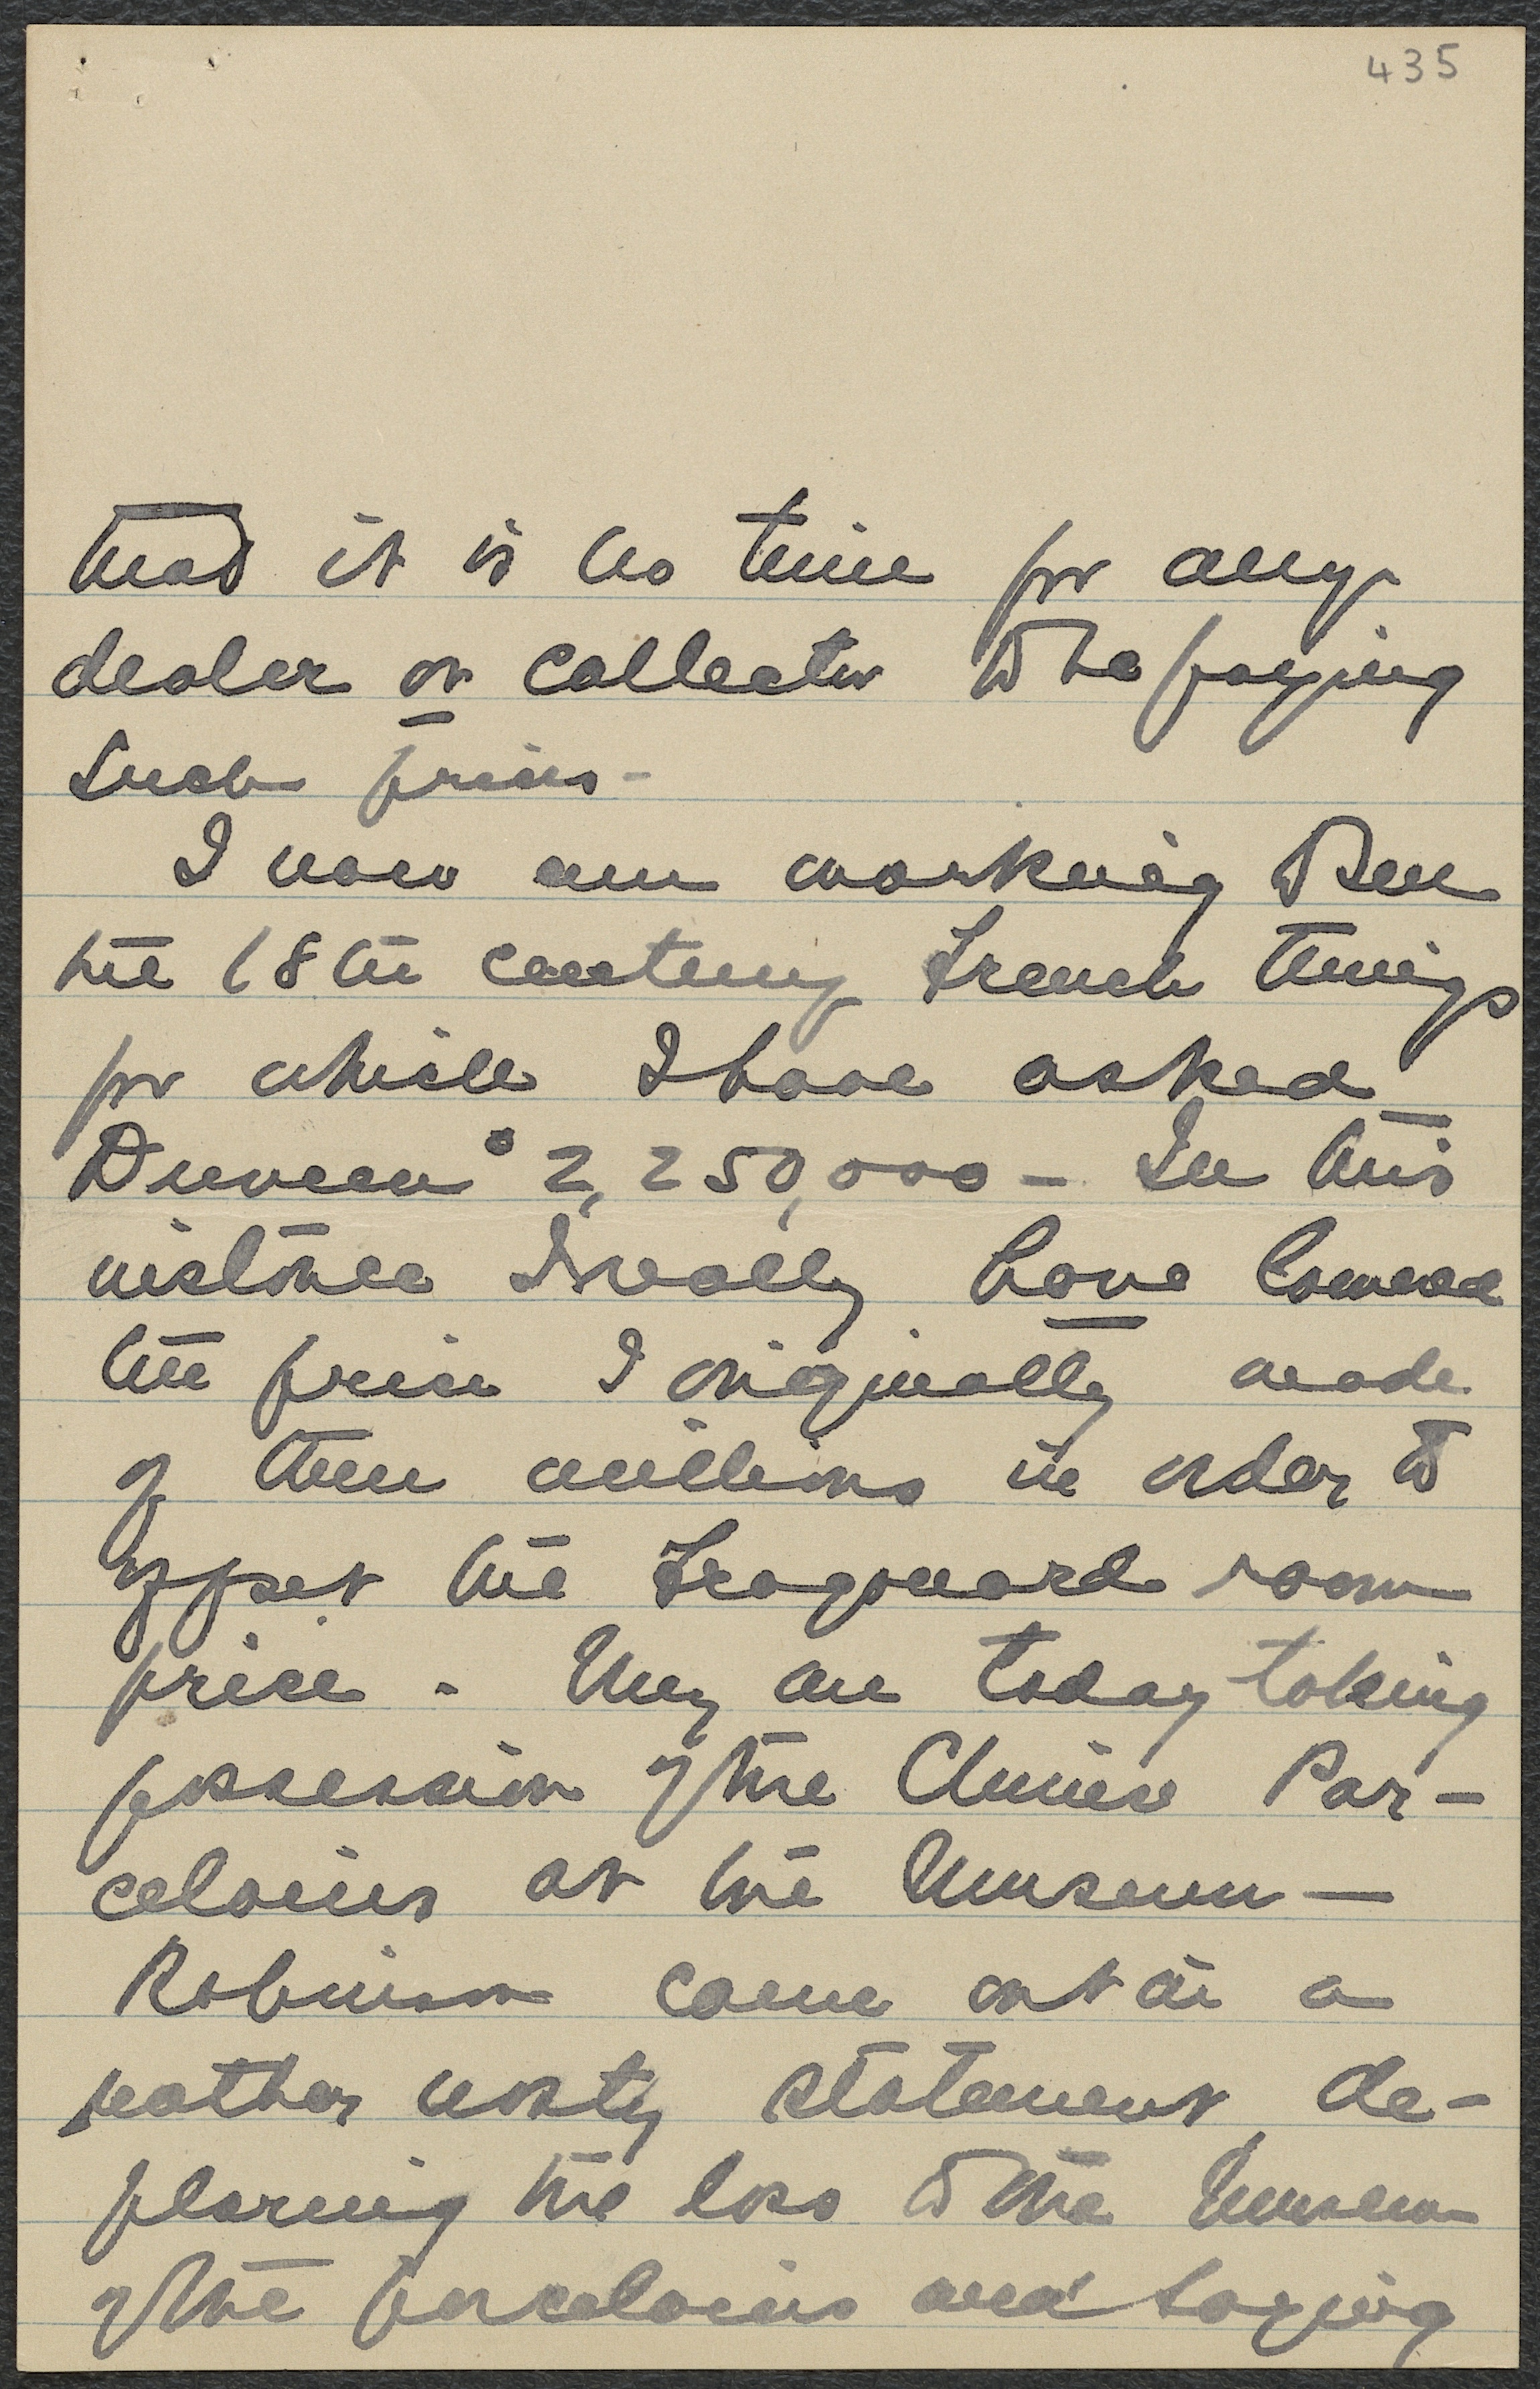that it is no time for any dealer or collector to be paying such prices –
I now am working to see the 18th century French things for which I have asked Duveen $2,250,000 – In this instance I really have lowered the price I originally made of then millions in order to offset the Fragonard room price – they are today taking possession of the Chinese Porcelains at the museum – Robinson came out in a rather nasty statement deploring the loss to the museum of the porcelains and saying